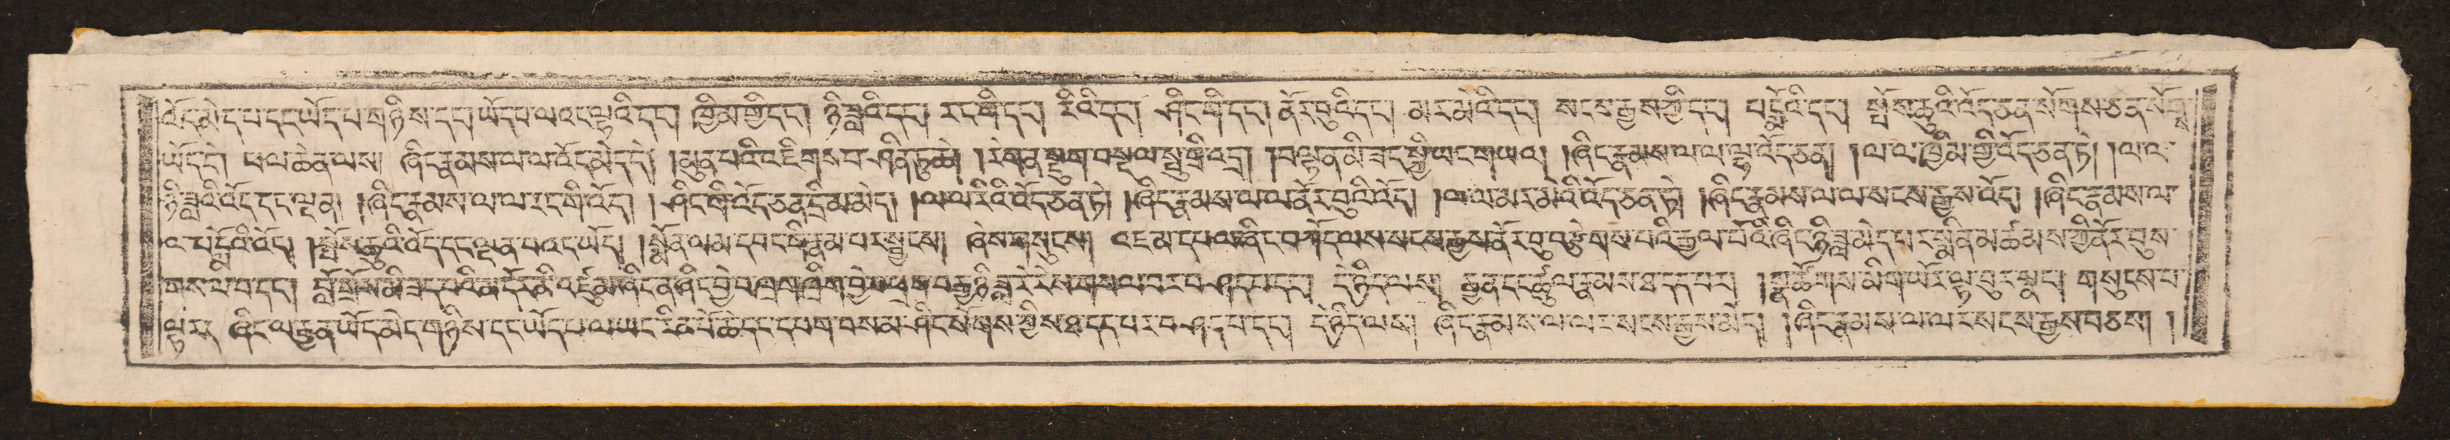འོད་མེད་པ་དང་ཡོད་པ་གཉིས་དང་། ཡོད་པ་ལའང་ལྷའི་དང་། ཁྱིམ་གྱི་དང་། ཉི་ཟླའི་དང་། རང་གི་དང་། རིའི་དང་། ཤིང་གི་དང་། ནོར་བུའི་དང་། མར་མེའི་དང་། སངས་རྒྱས་ཀྱི་དང་། པདམོའི་དང་། སྤོས་ཆུའི་འོད་ཅན་སོགས་ཅན་སོགས་
ཡོད་དེ། ཕལ་ཆེན་ལས། ཞིང་རྣམས་ལ་ལ་འོད་མེད་དེ། །མུན་པའི་འཇིགས་པ་ཤིན་ཏུ་ཆེ། །རེག་ན་སྡུག་བསྔལ་སྤུ་གྲི་འདྲ། །བལྟ་ན་མི་ཟད་སྐྱི་ཡང་གཡའ། །ཞིང་རྣམས་ལ་ལ་ལྟ་འོད་ཅན། །ལ་ལ་ཁྱིམ་གྱི་འོད་ཅན་ཏེ། །ལ་ལ་
ཉི་ཟླའི་འོད་དང་ལྡན། །ཞིང་རྣམས་ལ་ལ་རང་གི་འོད། །ཤིང་གི་འོད་ཅན་དྲི་མ་མེད། །ལ་ལའི་འི་འོད་ཅན་ཏེ། །ཞིང་རྣམས་ལ་ལ་ནོར་བུའི་འོད། །ལ་ལ་མར་མེའི་འོད་ཅན་ཏེ། །ཞིང་རྣམས་ལ་ལ་སངས་རྒྱས་འོད། །ཞིང་རྣམས་ལ་
ལ་པདམོའི་འོད། །སྤོས་ཆུའི་འོད་དང་ལྡན་པའང་ཡོད། །སྨོན་ལམ་དབང་གི་རྣམ་པར་སྦྱངས། ཞེས་གསུངས། འཇམ་དཔལ་ཞིང་བཀོད་ལས་སངས་རྒྱས་ནོར་བུ་བརྩེགས་པའི་རྒྱལ་པོའི་ཞིང་ཉི་ཟླ་མེད་པར་སྨིན་མཚམས་ཀྱི་ནོར་བུས་
གསལ་བ་དང་། བློ་གྲོས་མི་ཟད་པའི་མདོར་མི་འཛུམ་ཞིང་ན་ཞིར་བྱེ་བ་ཁྲག་ཁྲིག་བྱེ་བ་ཕྲག་བརྒྱ་ཉི་ཟླ་རེ་རེས་གསལ་པར་བཤད་པ་དང་། དེ་ཉིད་ལས། རྒྱན་དང་ཚུལ་རྣམས་ཐ་དད་པར། །སྣ་ཚོགས་མི་?་གཡོར་?་ལྟ་བུར་སྣང་། གསུངས་པ་
ལྟར༑ ཞིང་ལ་རྒྱན་ཡོད་མེད་གཉིས་དང་ཡོད་པ་ལ་ཡང་རིན་པོ་ཆེ་དང་དཔག་བསམ་ཤིང་སོགས་ཀྱིས་ཐ་དད་པར་བཤད་པ་དང་། དེ་ཉིད་ལས། ཞིང་རྣམས་ལ་ལར་སངས་རྒྱས་མེད། །ཞིང་རྣམས་ལ་ལར་སངས་རྒྱས་བཅས། །